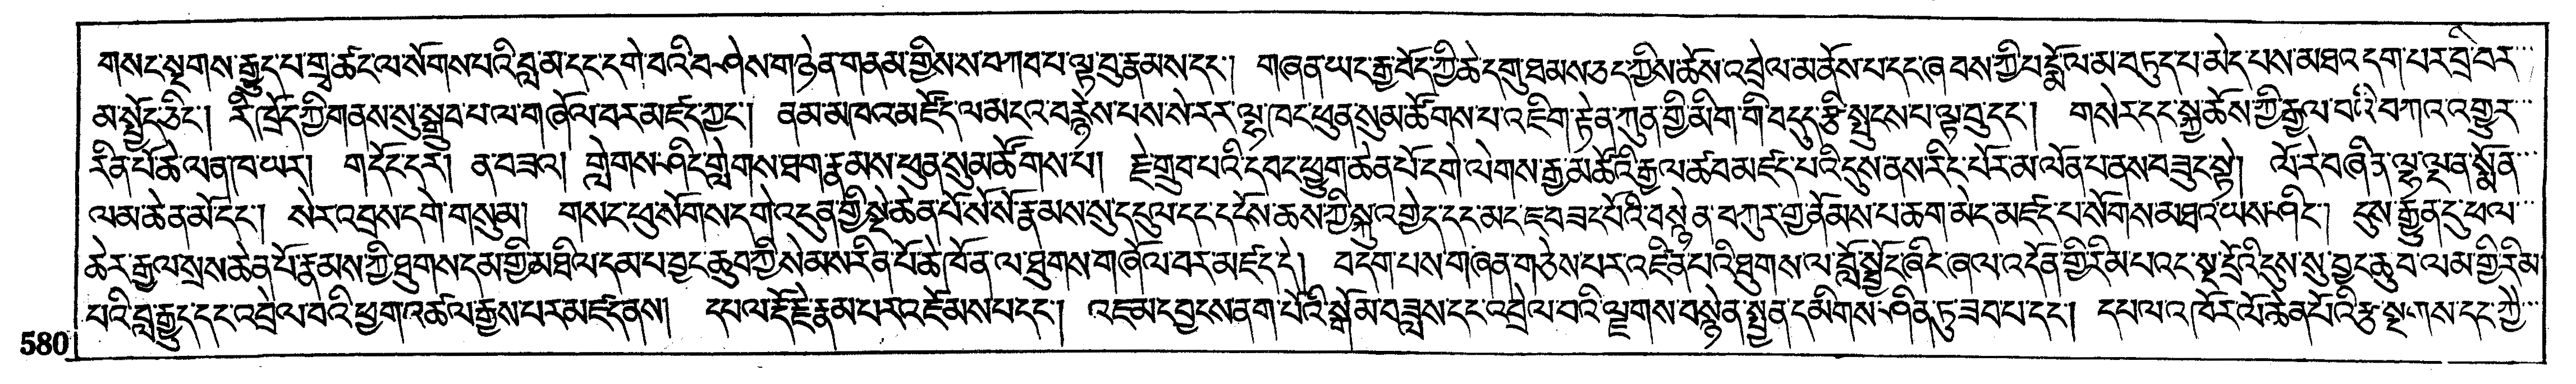གསང་སྔགས་རྒྱུད་པ་གྲྭ་ཚང་ལ་སོགས་པའི་བླ་མ་དང་དགེ་བའི་བཤེས་གཉེན་གནམ་གྱིས་ས་བཀབ་པ་ལྟ་བུ་རྣམས་དང་། གཞན་ཡང་རྒྱ་བོད་ཀྱི་ཆེ་དགུ་ཐམས་ཅད་ཀྱིས་ཆོས་འབྲེལ་མ་ནོས་པ་དང་ཞབས་ཀྱི་པདམོ་ལམ་བཏུད་པ་མེ་དཔས་མཐའ་དག་པར་བྲི་བར་
མ་སྤྱོད་ཅིང་། རི་ཁྲོད་ཀྱི་གནས་སུ་སྒྲུབ་པ་ལ་གཞོལ་བར་མཛད་ཀྱང་། ནམ་མཁའ་མཛོད་ལ་མངའ་བརྙེས་པས་སེ་རར་ལྷ་ཁང་ཕུན་སུམ་ཚོགས་པ་འཇིག་རྟེན་ཀུན་གྱི་མིག་གི་བདུད་རྩི་སྤུངས་པ་ལྟ་བུ་དང་། གསེར་དང་སྐྱ་ཆོས་ཀྱི་རྒྱལ་བའི་བཀའ་འགྱུར་
རིན་པོ་ཆེ་ལན་ཁ་ཡར། གདོང་དར། ན་བཟའ། གླེགས་ཤིང་གླེགས་ཐག་རྣམས་ཕུན་སུམ་ཚོགས་པ། རྗེ་གྲུབ་པའི་དབང་ཕྱུག་ཆེན་པོ་དགེ་ལེགས་རྒྱ་མཚོའི་རྒྱལ་ཚབ་མཛད་པའི་དུས་ནས་རིང་པོར་མ་ལོན་པ་ནས་བཟུངས་ཏེ། ལོ་རེ་བཞིན་ལྷ་ལྡན་སྨོན་
ལམ་ཆེན་མོ་དང་། སེར་འབྲས་དགེ་གསུམ། གསང་ཕུ་སོགས་དགེ་འདུན་གྱི་སྡེ་ཆེན་པོ་སོ་སོ་རྣམས་སུ་དངུལ་དང་དངོས་ཆས་ཀྱི་སྐུ་འགྱེད་དང་མང་ཇ་བཟང་པོའི་བསྙེན་བཀུར་གྱ་ནོམས་པ་ཆག་མེད་མཛད་པ་སོགས་མཐའ་ཡས་ཤིང་། དུས་རྒྱུན་དུ་ཕལ་
ཆེར་རྒྱལ་སྲས་ཆེན་པོ་རྣམས་ཀྱི་ཐུགས་དམ་གྱི་མཐིལ་དམ་པ་བྱམས་ཆུབ་ཀྱི་སེམས་རིན་པོ་ཆེ་ཁོ་ན་ལ་ཐུགས་གཞོལ་བར་མཛད་དེ། བདག་པས་གཞན་གཅེས་པར་འཛིན་པའི་ཐུགས་ལ་བློ་སྦྱོང་ཞིང་ཞལ་འདོན་གྱི་རིམ་པའང་སྔ་དྲོའི་དུས་སུ་བྱང་ཆུབ་ལམ་གྱི་རིམ་
པའི་བླ་རྒྱུད་དང་འབྲེལ་བའི་ཕྱག་འཚལ་རྒྱས་པར་མཛད་ནས། དཔལ་རྡོ་རྗེ་རྣམ་པར་འཛོམས་པ་དང་། འཇམ་དབྱངས་ནག་པོའི་སྒོམ་བཟླས་དང་འབྲེལ་བའི་ལྗགས་བསྙེན་སྤྱན་དམིགས་ཤིན་ཏུ་ཟབ་པ་དང་། ཨིགས་ཤིན་ཏུ་ཟབ་པ་དང་། དཔལ་འཁོར་ལོ་ཆེན་པོའི་རྩ་སྔགས་དང་ཀྱཻ་